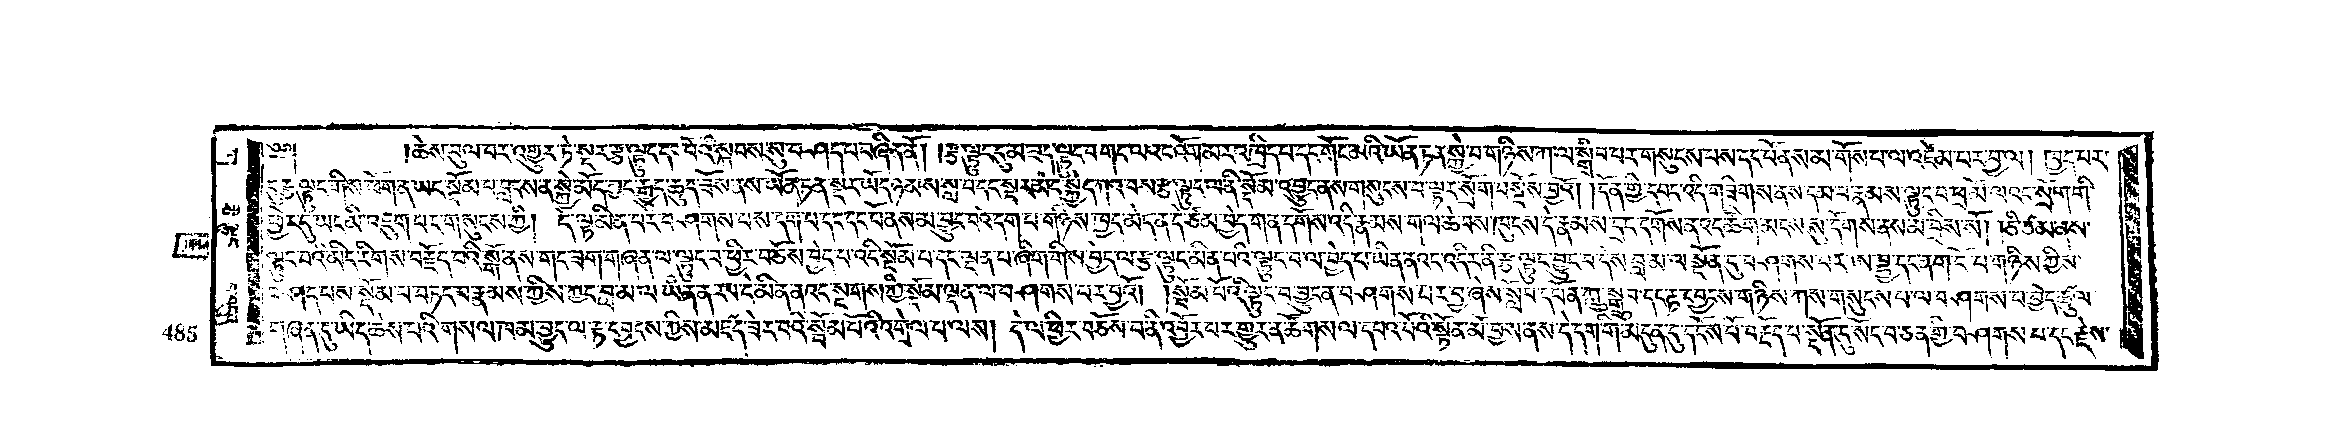༄༅། །ཆེས་བུལ་བར་འགྱུར་ཏེ་སྔར་རྩ་ལྟུང་དང་པོའི་སྐབས་སུ་བཤད་པ་བཞིན་ནོ། །རྩ་ལྟུང་དུ་མ་ཟད་ལྟུང་བ་གང་ལའང་འོག་མར་འཁྲིད་པ་དང་གོང་མའི་ཡོན་ཏན་སྐྱེ་བ་གཉིས་ཀ་ལ་སྒྲིབ་པར་གསུངས་པས་དང་པོ་ནས་མ་གོས་པ་ལ་འཛེམ་པར་བྱ་ལ། ཁྱད་པར་
དུ་རྩ་ལྟུང་གིས་ཕོག་ན་ཡང་སྡོམ་པ་བླངས་ན་སྐྱེ་མོད་ཀྱང་རྒྱུད་ཆུད་ཟོས་ནས་ཡོན་ཏན་སྔར་ཡོད་ཉམས་སླ་བ་དང་སྔར་མེད་སྐྱེ་དཀའ་བས་རྩ་ལྟུང་ལ་ནི་སྡོམ་འབྱུང་ནས་གསུངས་པ་ལྟར་སྲོག་བསྔོས་བྱའོ། །དོན་གྱི་དབང་འདི་གཟིགས་ནས་དམ་པ་རྣམས་ལྟུང་བ་ཕྲ་མོ་ལའང་སྲོག་གི་
ཕྱིར་དུ་ཡང་མི་འཇུག་པར་གསུངས་ཀྱི། དེ་ལྟ་མིན་པར་བཤགས་པས་དག་པ་དང་དང་པོ་ནས་མ་བྱུང་བའི་དག་པ་གཉིས་ཁྱད་མེད་ན་དེ་ཙམ་བྱེད་ག་ན་དགོས་འདི་རྣམས་གལ་ཆེ་བས་ཁུངས་དེ་རྣམས་དྲང་དགོས་ནའང་ཚིག་མངས་སུ་དོགས་ནས་མ་བྲིས་སོ། །ཅི་ཙམ་ནས་
ལྟུང་བའི་མིང་རིགས་བརྗོད་པའི་སྒོ་ནས་གང་ཟག་གཞན་ལ་ལྟུང་བ་ཕྱིར་བཅོས་བྱེད་པ་འདི་སྡོམ་པ་དང་ལྡན་པ་ཞིག་གིས་བྱེད་ལ་རྩ་ལྟུང་མིན་པའི་ལྟུང་བ་ལ་བྱེད་པ་ཡིན་ནའང་འདིར་ནི་རྩ་ལྟུང་བྱུང་བ་དེས་བླ་མ་ལ་སྔོན་དུ་བཤགས་པར་ཨ་བྷྱ་དང་ནག་ངོ་པོ་གཉིས་ཀྱིས་
བཤད་པས་སྡོམ་པ་བཏང་བ་རྣམས་ཀྱིས་ཀྱང་བླ་མ་ལ་ཡིན་ན་རས་?་དེ་མིན་ནའང་སྔགས་ཀྱི་སྡོམ་ལྡན་ལ་བཤགས་པར་བྱའོ། །སྦོམ་པོའི་ལྟུང་བ་བྱུང་ན་བཤགས་པར་བྱ་ཞེས་སློབ་དཔོན་ཀླུ་སྒྲུབ་དང་རྟ་དབྱངས་གཉིས་ཀས་གསུངས་པ་ལ་བཤགས་པ་བྱེད་ཚུལ་
གཞན་དུ་ཡིད་ཆེས་པའི་གསལ་ཁམ་བྱུང་ལ་རྟ་དབྱངས་ཀྱིས་མཛད་ཟེར་བའི་སྦོམ་པོའི་འགྲེལ་པ་ལས། དེ་ལ་ཕྱིར་བཅོས་པ་ནི་འབྱོར་པར་གྱུར་ན་ཚོགས་ལ་དཔའ་པོའི་སྟོན་མོ་བྱས་ནས་དེ་དག་གི་མདུན་དུ་དངོས་པོ་བརྔོད་པ་སྔོན་དུ་སོང་བ་ཅན་གྱི་བཤགས་པ་དང་རྗེས་